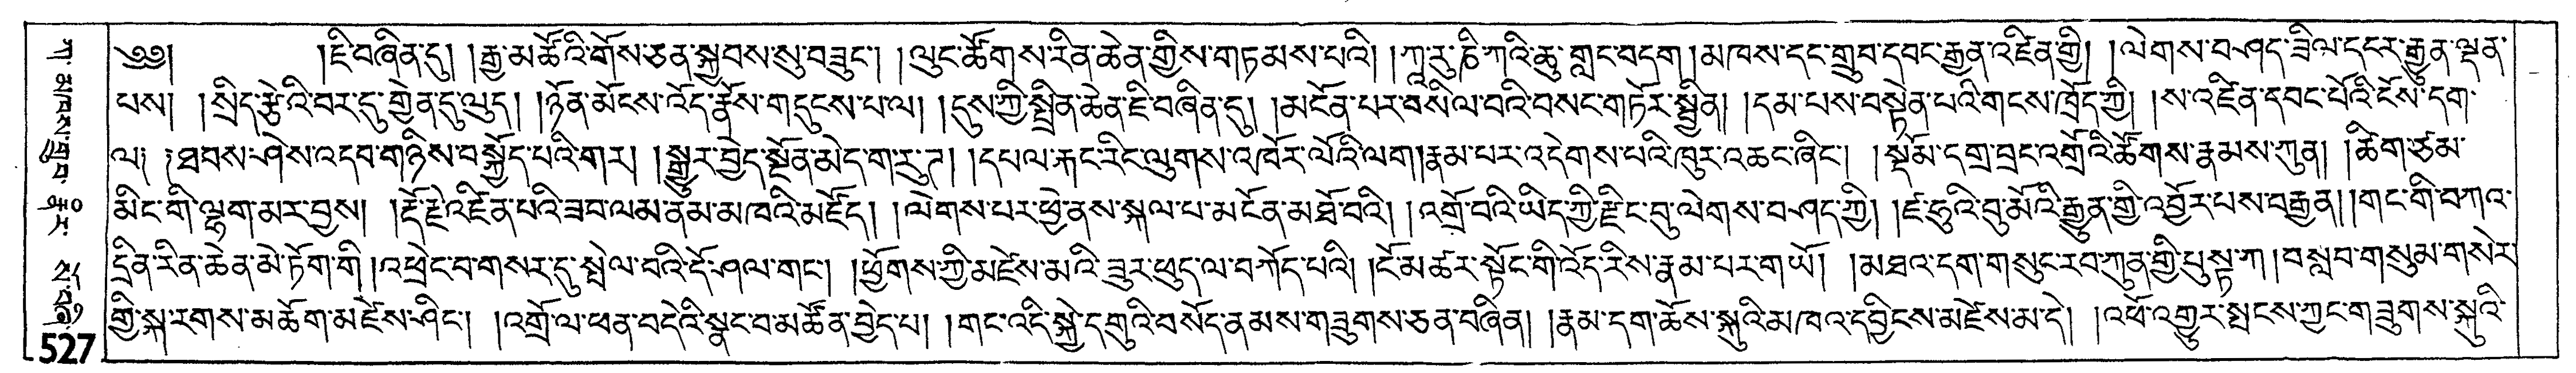༄༅། །ཇི་བཞིན་དུ། །རྒྱ་མཚོའི་གོས་ཅན་སྐྱབས་སུ་བཟུང་། །ལུང་ཚོགས་རིན་ཆེན་གྱིས་གཏམས་པའི། །ཀཱ་རུ་ཎི་ཀའི་ཆུ་གླང་བདག །མཁས་དང་གྲུབ་དབང་རྒྱན་འཛིན་གྱི། །ལེགས་བཤད་ཟིལ་དངར་རྒྱུན་ལྡན་
པས། །སྲིད་རྩེའི་བར་དུ་གྱེན་དུ་ལུད། །ཉོན་མོངས་འོད་རྣོས་གདུངས་པ་ལ། །དུས་ཀྱི་སྤྲིན་ཆེན་ཇི་བཞིན་དུ། །མངོན་པར་བསིལ་བའི་བསང་གཏོར་སྦྱིན། །དམ་པས་བསྟེན་པའི་གངས་ཁྲིད་ཀྱི། །ས་འཛིན་དབང་པོའི་ངོས་དག་
ལ༑ ༑ཐབས་ཤེས་འདབ་གཉིས་བསྐྱོད་པའི་གར། །སྒྱུར་བྱེད་སྔོན་མེད་ག་རུ་ཌ། །དཔལ་རྐང་རིང་ལུགས་འཁོར་ལོའི་ལག །རྣམ་པར་འདེགས་པའི་ཁུར་འཆང་ཞིང་། །སྡོམ་དགྲ་བྲང་འགྲོའི་ཚོགས་རྣམས་ཀུན། །ཚིག་ཙམ་
མིང་གི་ལྷག་མར་བྱས། །རྡོ་རྗེ་འཛིན་པའི་ཟབ་ལམ་ནམ་མཁའི་མཛོད། །ལེགས་པར་ཕྱེ་ནས་སྐལ་པ་མངོན་མཐོ་བའི། །འགྲོ་བའི་ཡིད་ཀྱི་རྫིང་བུ་ལེགས་བཤད་ཀྱི། །ཛ་ཧུའི་བུ་མོའི་རྒྱུན་གྱི་འབྱོར་པས་བརྒྱན། །གང་གི་བཀའ་
དྲིན་རིན་ཆེན་མེ་ཏོག་གི །འཕྲེང་བ་གསར་དུ་སྤེལ་བའི་དོ་ཤལ་གང་། །ཕྱོགས་ཀྱི་མཛེས་མའི་ཟུར་ཕུད་ལ་བཀོད་པའི། །ངོ་མཚར་སྟོང་གི་འོད་རིས་རྣམ་པར་གཡོ། །མཐའ་དག་གསུང་རབ་ཀུན་གྱི་པུསྟ་ཀ ། བསླབ་གསུམ་གསེར་
གྱི་སྐ་རགས་མཆོག་མཛེས་ཤིང་། །འགྲོ་ལ་ཕན་བདེའི་སྣང་བ་མཚོན་བྱེད་པ། །གང་འདི་སྐྱེ་དགུའི་བསོད་ནམས་གཟུགས་ཅན་བཞིན། །རྣམ་དག་ཆོས་སྐུའི་མཁའ་དབྱིངས་མཛེས་མ་དེ། །འཕོ་འགྱུར་སྤངས་ཀྱང་གཟུགས་སྐུའི་